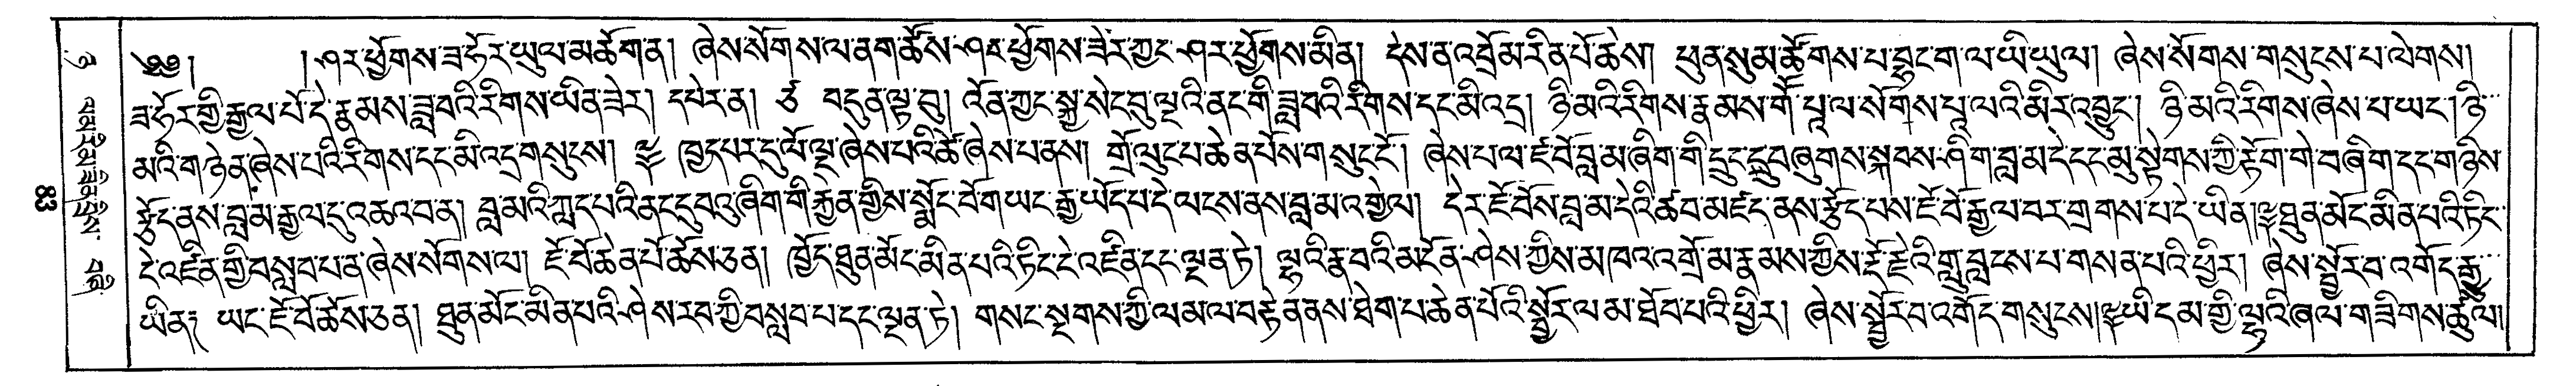༄༅། །ཤར་ཕྱོགས་ཟ་ཧོར་ཡུལ་མཆོག་ན། ཞེས་སོགས་ལ་ནག་ཚོས་ཤར་ཕྱོགས་ཟེར་ཀྱང་ཤར་ཕྱོགས་མིན། དེས་ན་འབྲོམ་རིན་པོ་ཆེས། ཕུན་སུམ་ཚོགས་པ་བྷང་གལ་ཡི་ཡུལ། ཞེས་སོགས་གསུངས་པ་ལེགས།
ཟ་ཧོར་གྱི་རྒྱལ་པོ་དེ་རྣམས་ཟླ་བའི་རིགས་ཡིན་ཟེར། དཔེར་ན། ཙནྡྲ་བདུན་ལྟ་བུ། འོན་ཀྱང་སྐྱ་སེང་བུ་ལྔའི་ནང་གི་ཟླ་བའི་རིགས་དང་མི་འདྲ། ཉི་མའི་རིགས་རྣམས་གཽ་པཱ་ལ་སོགས་པཱ་ལའི་མིང་འབྱུང་། ཉི་མའི་རིགས་ཞེས་པ་ཡང་། ཉི་
མའི་གཉེན་ཞེས་པའི་རིགས་དང་མི་འདྲ་གསུངས། ༈ ཁྱད་པར་དུ་ལོ་ལྔ་ཞེས་པའི་ཚེ་ཞེས་པ་ནས། གྲོ་ལུང་པ་ཆེན་པོས་གསུང་ངོ། ཞེས་པ་ལ་ཇོ་བོ་བླ་མ་ཞིག་གི་དྲུང་དུ་བཞུགས་སྐབས་ཤིག་བླ་མ་དེ་དང་མུ་སྟེགས་ཀྱི་རྟོག་གེ་བ་ཞིག་དང་གཉིས།
རྩོད་ནས་བླ་མ་རྒྱལ་དུ་འཆའ་བ་ན། བླ་མའི་ཀླད་པའི་ནང་དུ་འབུ་ཞིག་གི་རྐྱེན་གྱིས་སྨྱོ་འབོག་ལང་རྒྱུ་ཡོད་པ་དེ་ལངས་ནས་བླ་མ་འགྱེལ། དེར་ཇོ་བོས་བླ་མ་དེའི་ཚབ་མཛད་ནས་རྩོད་པས་ཇོ་བོ་རྒྱལ་བར་གྲགས་པ་དེ་ཡིན། ༈ ཐུན་མོང་མིན་པའི་ཏིང་
ངེ་འཛིན་གྱི་བསླབ་པ་ནི་ཞེས་སོགས་ལ། ཇོ་བོ་ཆེན་པོ་ཆོས་ཅན། ཁྱོད་ཐུན་མོང་མིན་པའི་ཏིང་ངེ་འཛིན་དང་ལྡན་ཏེ། ལྷའི་རྣ་བའི་མངོན་ཤེས་ཀྱིས་མཁའ་འགྲོ་མ་རྣམས་ཀྱིས་རྡོ་རྗེའི་གླུ་བླངས་པ་གསན་པའི་ཕྱིར། ཞེས་སྦྱོར་བ་འགོད་རྒྱུ་
ཡིན༑ ཡང་ཇོ་བོ་ཆོས་ཅན། ཐུན་མོང་མིན་པའི་ཤེས་རབ་ཀྱི་བསླབ་པ་དང་ལྡན་ཏེ། གསང་སྔགས་ཀྱི་ལམ་ལ་བརྟེན་ནས་ཐེག་པ་ཆེན་པོའི་སྦྱོར་ལམ་ཐོབ་པའི་ཕྱིར། ཞེས་སྦྱོར་བ་འགོད་གསུངས། ༈ ཡི་དམ་གྱི་ལྷའི་ཞལ་གཟིགས་ཚུལ།